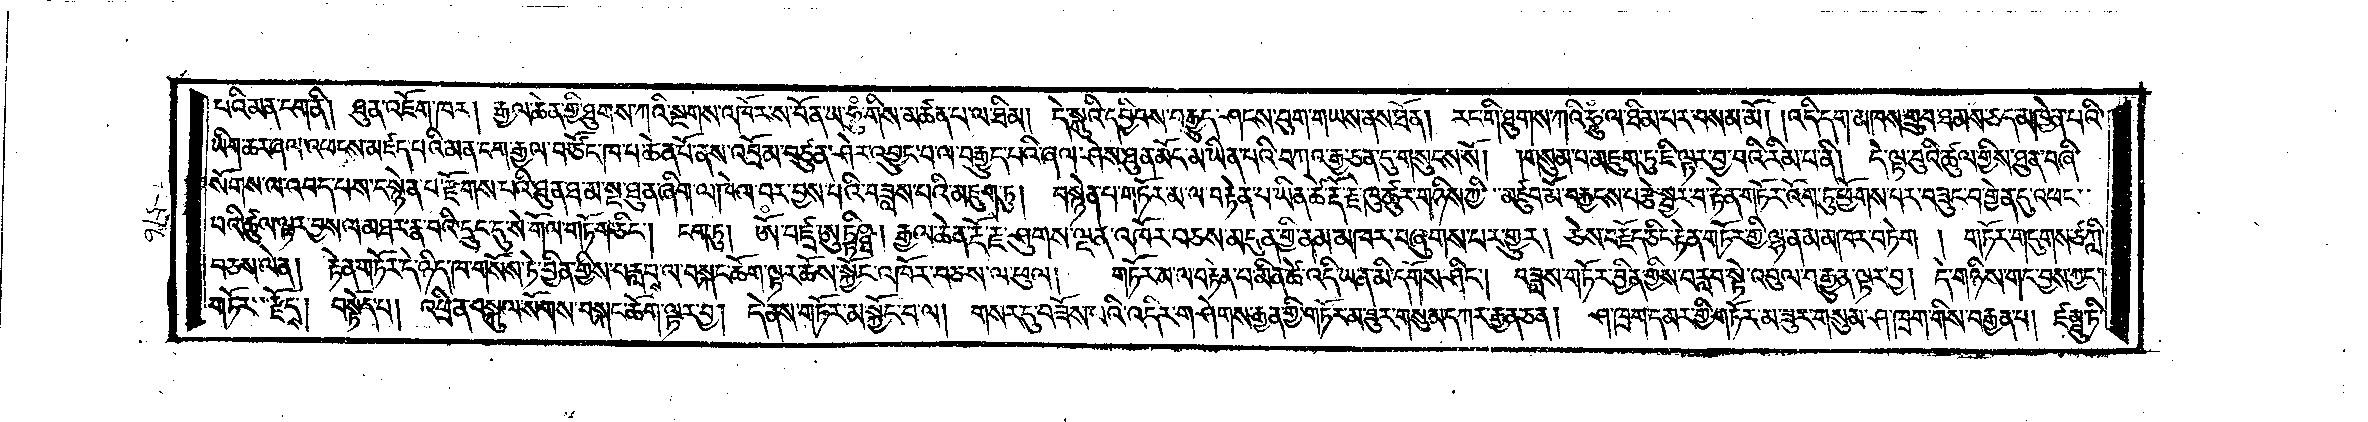པའི་མན་ངག་ནི། ཐུན་འཇོག་ཁར། རྒྱལ་ཆེན་གྱི་ཐུགས་ཀའི་སྔགས་འཁོར་ས་བོན་ཡ་ཧཱུཾ་གིས་མཚན་པ་ལ་ཐིམ། དེ་སྐུའི་དབྱིབས་བརྒྱུད་ཤངས་བུག་གཡས་ནས་ཐོན། རང་གི་ཐུགས་ཀའི་ཧཱུཾ་ལ་ཐིམ་པར་བསམ་མོ། །འདི་དག་མཁས་གྲུབ་ཐམས་ཅད་མཁྱེན་པའི་
ཡིག་ཆར་ཞལ་འཕངས་མཛད་པའི་མན་ངག་རྒྱལ་བ་ཙོང་ཁ་པ་ཆེན་པོ་ནས་འབྲོམ་བཙུན་ཤེར་འབྱུང་བ་ལ་བརྒྱུད་པའི་ཞལ་ཤེས་ཐུན་མོང་མ་ཡིན་པའི་བཀའ་རྒྱ་ཅན་དུ་གསུངས་སོ། །གསུམ་པ་མཇུག་ཏུ་ཇི་ལྟར་བྱ་བའི་རིམ་པ་ནི། དེ་ལྟ་བུའི་ཚུལ་གྱིས་ཐུན་བཞི་
སོགས་ལ་འབད་པས་བསྙེན་པ་རྫོགས་པའི་ཐུན་ཐ་མ་སྔ་ཐུན་ཞིག་ལ་ཁེལ་བར་བྱས་པའི་བཟླས་པའི་མཇུག་ཏུ། བསྙེན་པ་གཏོར་མ་ལ་བརྟེན་པ་ཡིན་ཚེ་རྡོ་རྗེ་ཁུ་ཚུར་གཉིས་ཀྱི་མཛུབ་མོ་བརྐྱངས་བརྩེ་སྦྱར་བ་རྟེན་གཏོར་འོག་ཏུ་ཕྱོགས་སར་བཟུང་བ་གྱེན་དུ་འཕང་
བའི་ཚུལ་ལྟར་བྱས་ལ་མཐར་རྣ་བའི་དྲུང་དུ་སེ་གོལ་གཏོག་ཅིང་། ངག་ཏུ། ཨོཾ་བཛྲ་ཨུ་ཏིཥཊཿཨ། རྒྱལ་ཆེན་རྡོ་རྗེ་ཤུགས་ལྡན་འཁོར་བཅས་མདུན་གྱི་ནམ་མཁར་བཞུགས་པར་གྱུར། ཅེས་བརྗོད་ཅིང་རྟེན་གཏོར་གྱི་ལྷ་ནམ་མཁར་བཏེག །གཏོར་གདུགས་ཙཀླི་
བཅས་ལེན། རྟེན་གཏོར་དེ་ཉིད་ཁ་གསོས་ཏེ་བྱིན་གྱིས་བརླབས་ལ་བསྐང་ཆོག་ལྟར་ཆོས་སྐྱོང་འཁོར་བཅས་ལ་ཕུལ། གཏོར་མ་ལ་བརྟེན་པ་མིན་ཚེ་འདི་ཡན་མི་དགོས་ཤིང་། བཟླས་གཏོར་བྱིན་གྱིས་བརླབ་སྟེ་འབུལ་བ་རྒྱུན་ལྟར་བྱ། དེ་གཉིས་གང་བྱས་ཀྱང་
གཏོར་རྫོངས། བསྟོད་པ། འཕྲིན་བསྐུལ་སོགས་བསྐང་ཆོག་ལྟར་བྱ། དེ་ནས་གཏོར་མ་སྐྱོང་བ་ལ། གསར་དུ་བཟོས་པའི་འདིར་གཤེགས་རྒྱན་གྱི་གཏོར་མ་ཟུར་གསུམ་དཀར་རྒྱན་ཅན། ཤ་ཁྲག་དམར་གྱི་གཏོར་མ་ཟུར་གསུམ་ཤ་ཁྲག་གིས་བརྒྱན་པ། ཛམྦུ་ཏི་